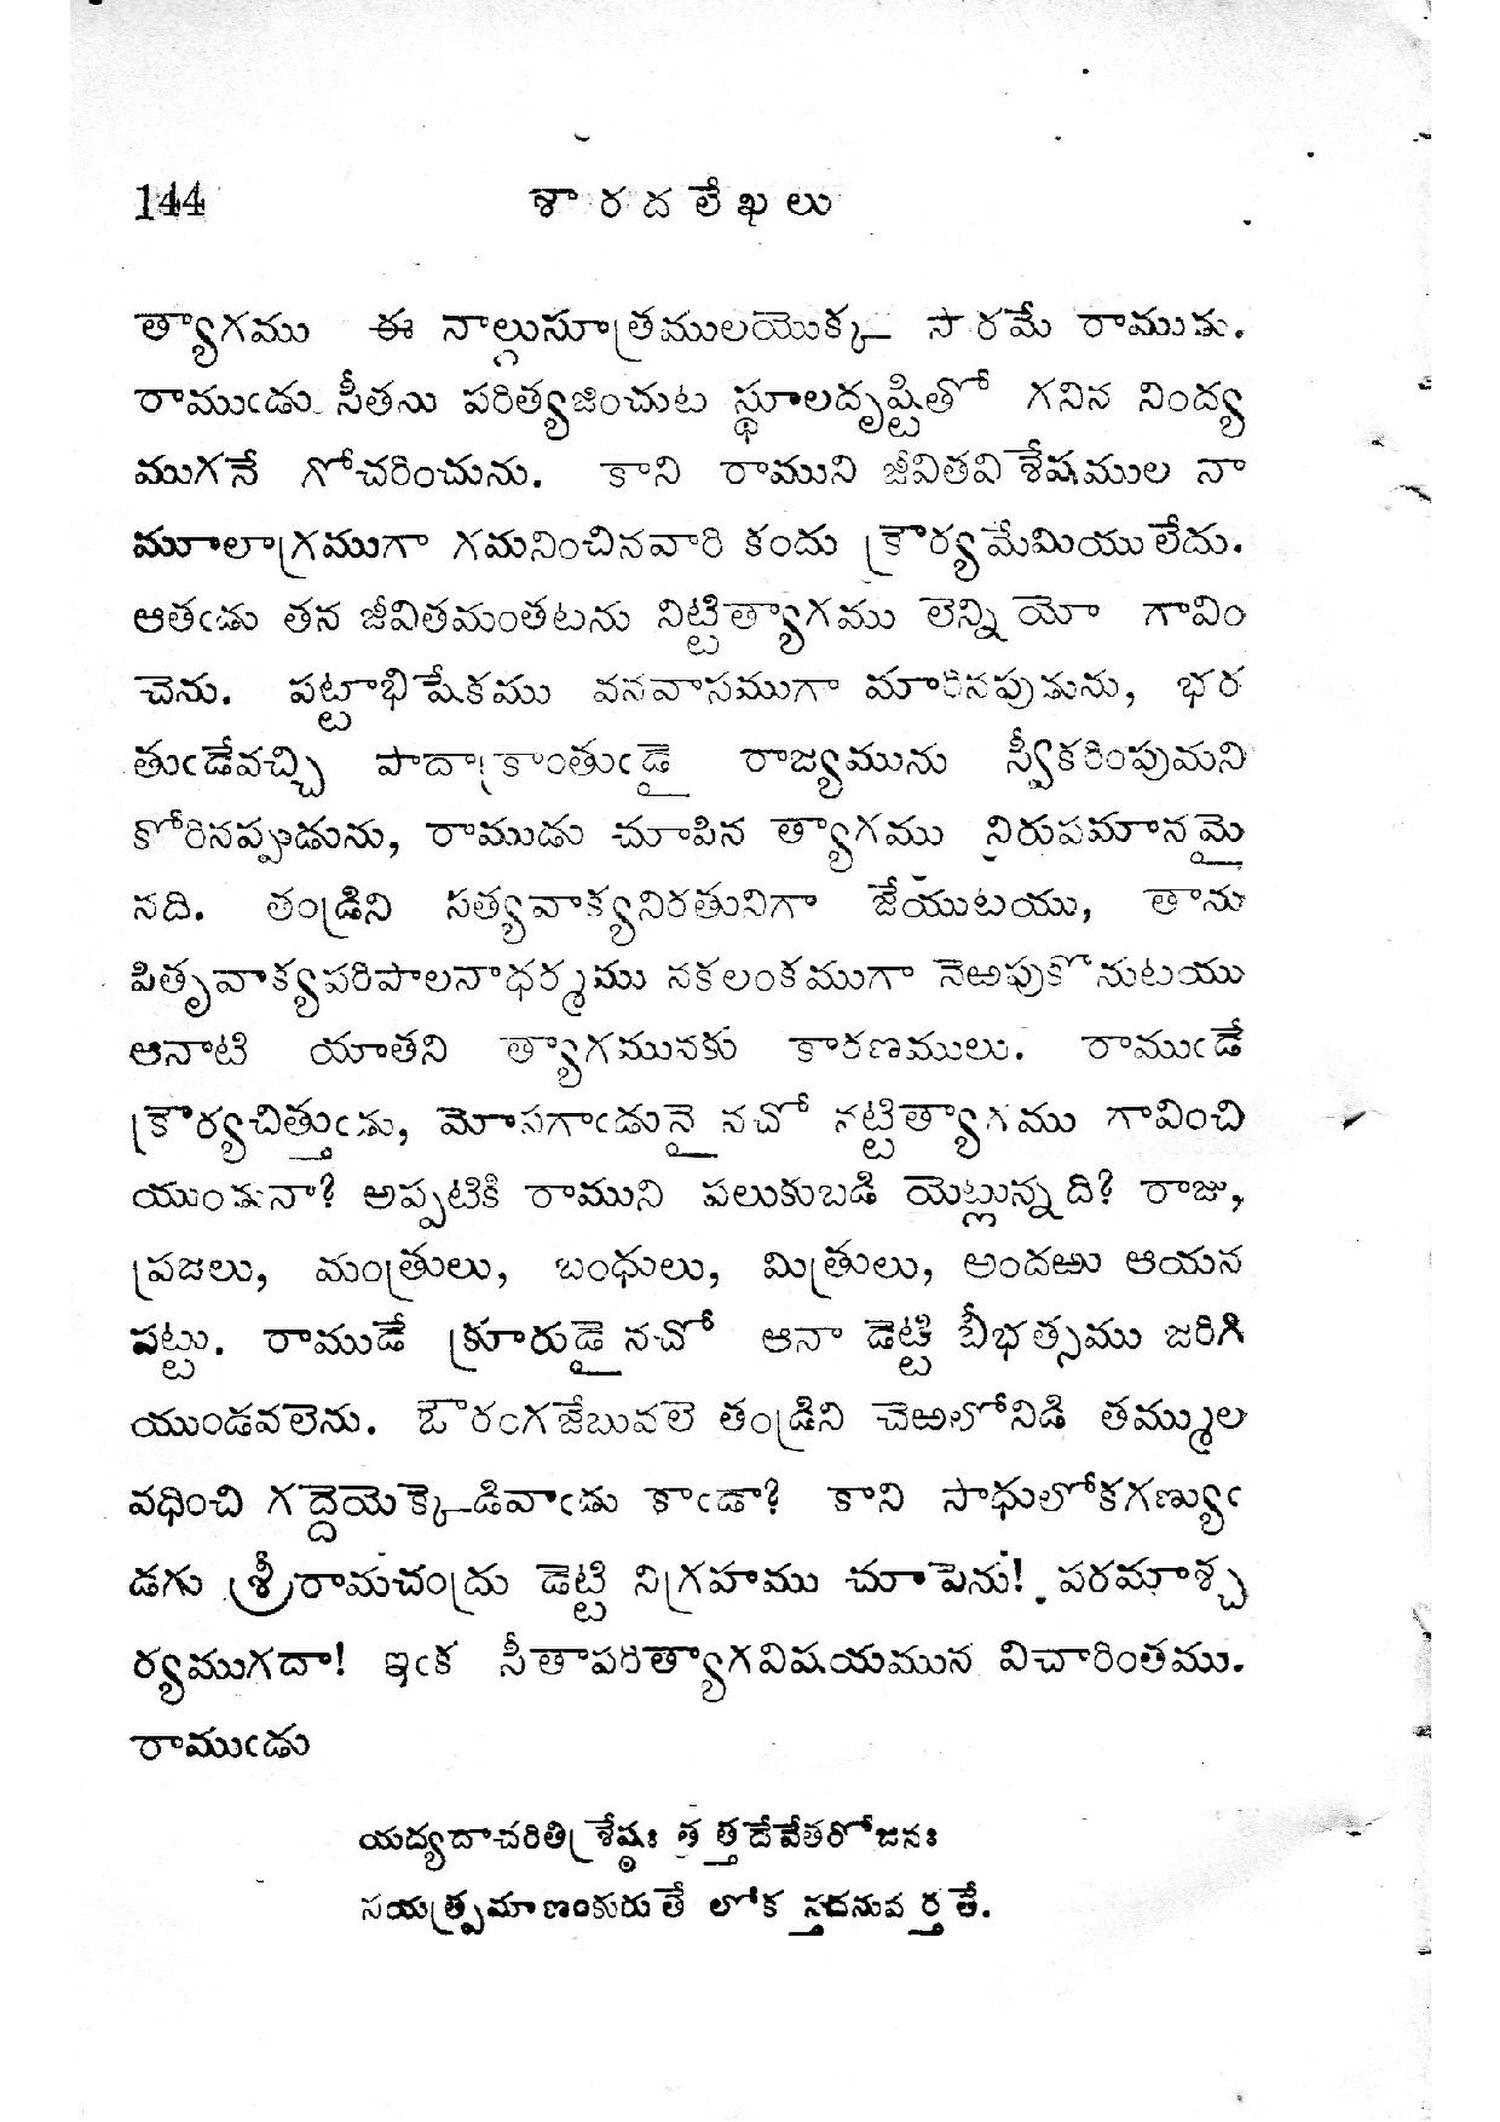త్యాగము ఈ నాల్గుసూత్రములయొక్క సారమే రాముడు. రాముఁడు సీతను పరిత్యజించుట స్థూలదృష్టితో గనిన నింద్యముగనే గోచరించును. కాని రాముని జీవితవిశేషముల నామూలాగ్రముగా గమనించినవారి కందు క్రౌర్యమేమియులేదు. ఆతఁడు తన జీవితమంతటను నిట్టిత్యాగము లెన్నియో గావించెను. పట్టాభిషేకము వనవాసముగా మారినపుడును, భరతుఁడేవచ్చి పాదాక్రాంతుఁడై రాజ్యమును స్వీకరింపుమని
కోరినప్పుడును, రాముడు చూపిన త్యాగము నిరుపమానమైనది. తండ్రిని సత్యవాక్యనిరతునిగా జేయుటయు, తాను పితృవాక్యపరిపాలనాధర్మము సకలంకముగా నెఱపుకొనుటయు ఆనాటి యాతని త్యాగమునకు కారణములు. రాముఁడే క్రౌర్యచిత్తుఁడు, మోసగాఁడునైనచో నట్టిత్యాగము గావించి యుండునా? అప్పటికి రాముని పలుకుబడి యెట్లున్నది? రాజు, ప్రజలు, మంత్రులు, బంధులు, మిత్రులు, అందఱు ఆయన పట్టు. రాముడే క్రూరుడైనచో ఆనా డెట్టి బీభత్సము జరిగి యుండవలెను. ఔరంగజేబువలె తండ్రిని చెఱలోనిడి తమ్ముల వధించి గద్దెయెక్కెడివాఁడు కాఁడా? కాని సాధులోకగణ్యుఁడగు శ్రీరామచంద్రు డెట్టి నిగ్రహము చూపెను! పరమాశ్చర్యముగదా! ఇఁక సీతాపరిత్యాగవిషయమున విచారింతము. రాముఁడు

యద్యదాచరితిశ్రేష్ఠః తత్తదేవేతరోజునః
సయత్ప్రమాణంకురుతే లోకస్తచనువర్తతే.